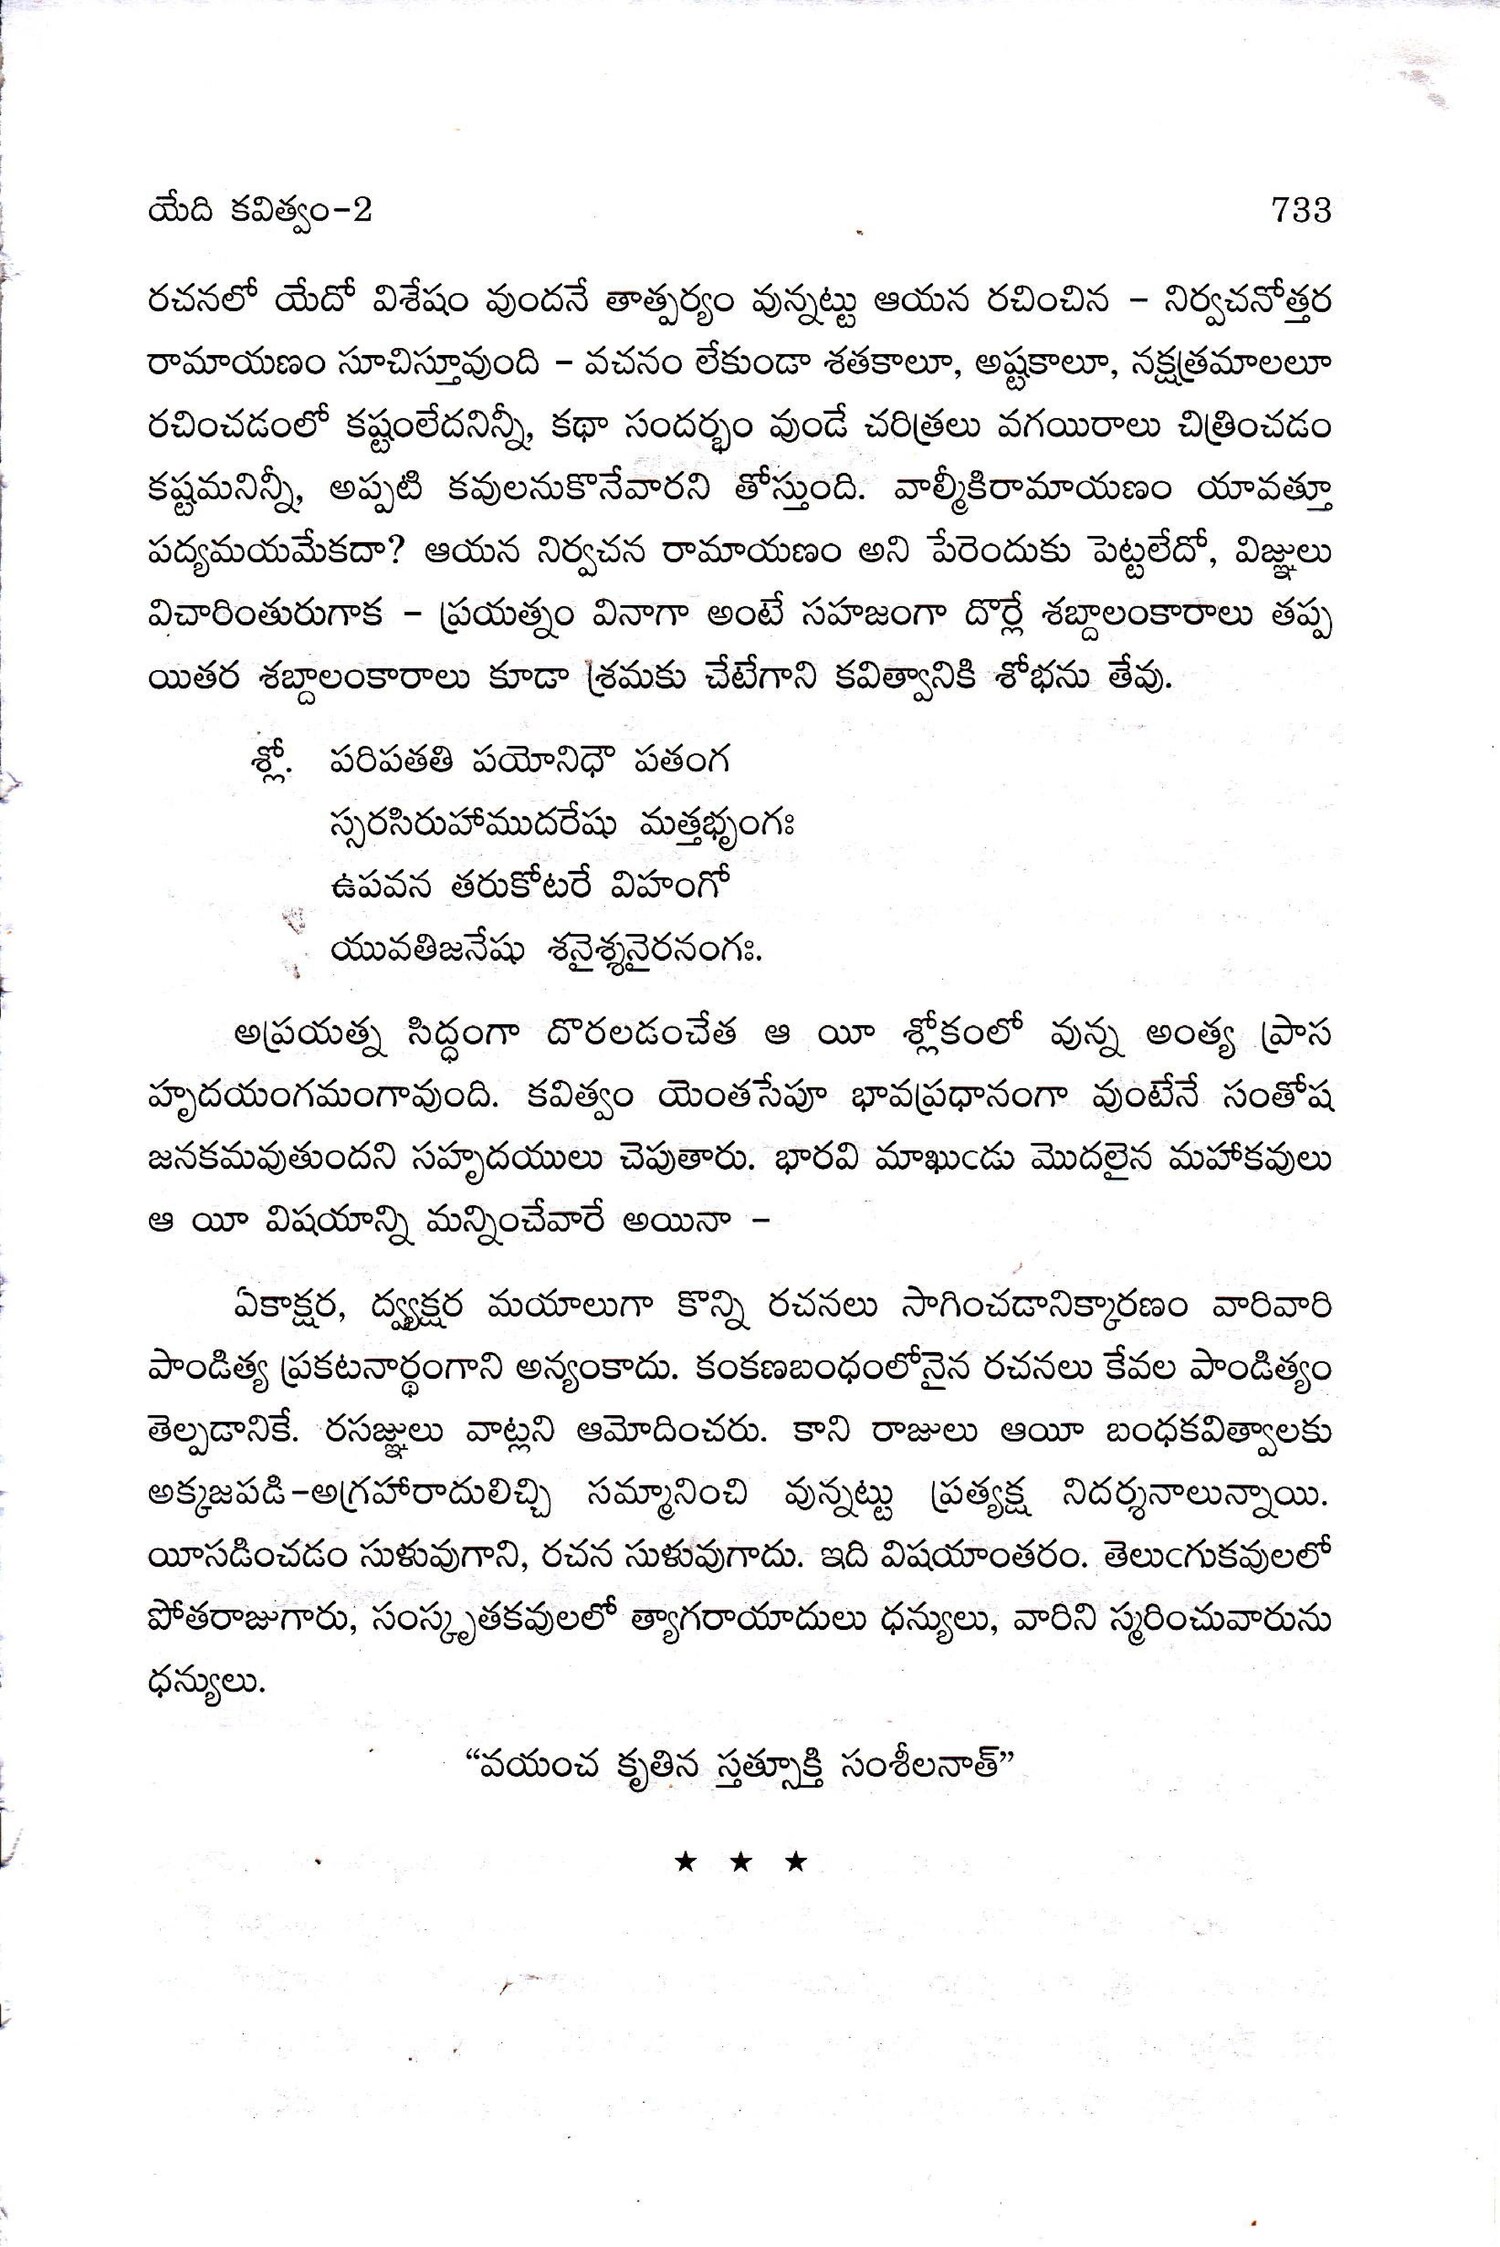రచనలో యేదో విశేషం వుందనే తాత్పర్యం వున్నట్టు ఆయన రచించిన - నిర్వచనోత్తర రామాయణం సూచిస్తూవుంది - వచనం లేకుండా శతకాలూ, అష్టకాలూ, నక్షత్రమాలలూ రచించడంలో కష్టంలేదనిన్నీ కథా సందర్భం వుండే చరిత్రలు వగయిరాలు చిత్రించడం కష్టమనిన్నీ అప్పటి కవులనుకొనేవారని తోస్తుంది. వాల్మీకిరామాయణం యావత్తూ పద్యమయమేకదా? ఆయన నిర్వచన రామాయణం అని పేరెందుకు పెట్టలేదో, విజ్ఞులు విచారింతురుగాక - ప్రయత్నం వినాగా అంటే సహజంగా దొర్లే శబ్దాలంకారాలు తప్ప యితర శబ్దాలంకారాలు కూడా శ్రమకు చేటేగాని కవిత్వానికి శోభను తేవు.

శ్లో. పరిపతతి పయోనిధౌ పతంగ
 స్పరసిరుహాముదరేషు మత్తభృంగః 
 ఉపవన తరుకోటరే విహంగో 
 యువతిజనేషు శనైశ్శనైరనంగః.
అప్రయత్న సిద్ధంగా దొరలడంచేత ఆ యీ శ్లోకంలో వున్న అంత్య ప్రాస హృదయంగమంగావుంది. కవిత్వం యెంతసేపూ భావప్రధానంగా వుంటేనే సంతోష జనకమవుతుందని సహృదయులు చెపుతారు. భారవి మాఖుఁడు మొదలైన మహాకవులు ఆ యీ విషయాన్ని మన్నించేవారే అయినా -

ఏకాక్షర, ద్వ్యక్షర మయాలుగా కొన్ని రచనలు సాగించడానిక్కారణం వారివారి పాండిత్య ప్రకటనార్థంగాని అన్యంకాదు. కంకణబంధంలోనైన రచనలు కేవల పాండిత్యం తెల్పడానికే. రసజ్ఞులు వాట్లని ఆమోదించరు. కాని రాజులు ఆయీ బంధకవిత్వాలకు అక్కజపడి-అగ్రహారాదులిచ్చి సమ్మానించి వున్నట్టు ప్రత్యక్ష నిదర్శనాలున్నాయి. యీసడించడం సుళువుగాని, రచన సుళువుగాదు. ఇది విషయాంతరం. తెలుఁగుకవులలో పోతరాజుగారు, సంస్కృతకవులలో త్యాగరాయాదులు ధన్యులు, వారిని స్మరించువారును ధన్యులు. -

"వయంచ కృతిన స్తత్సూక్తి సంశీలనాత్"